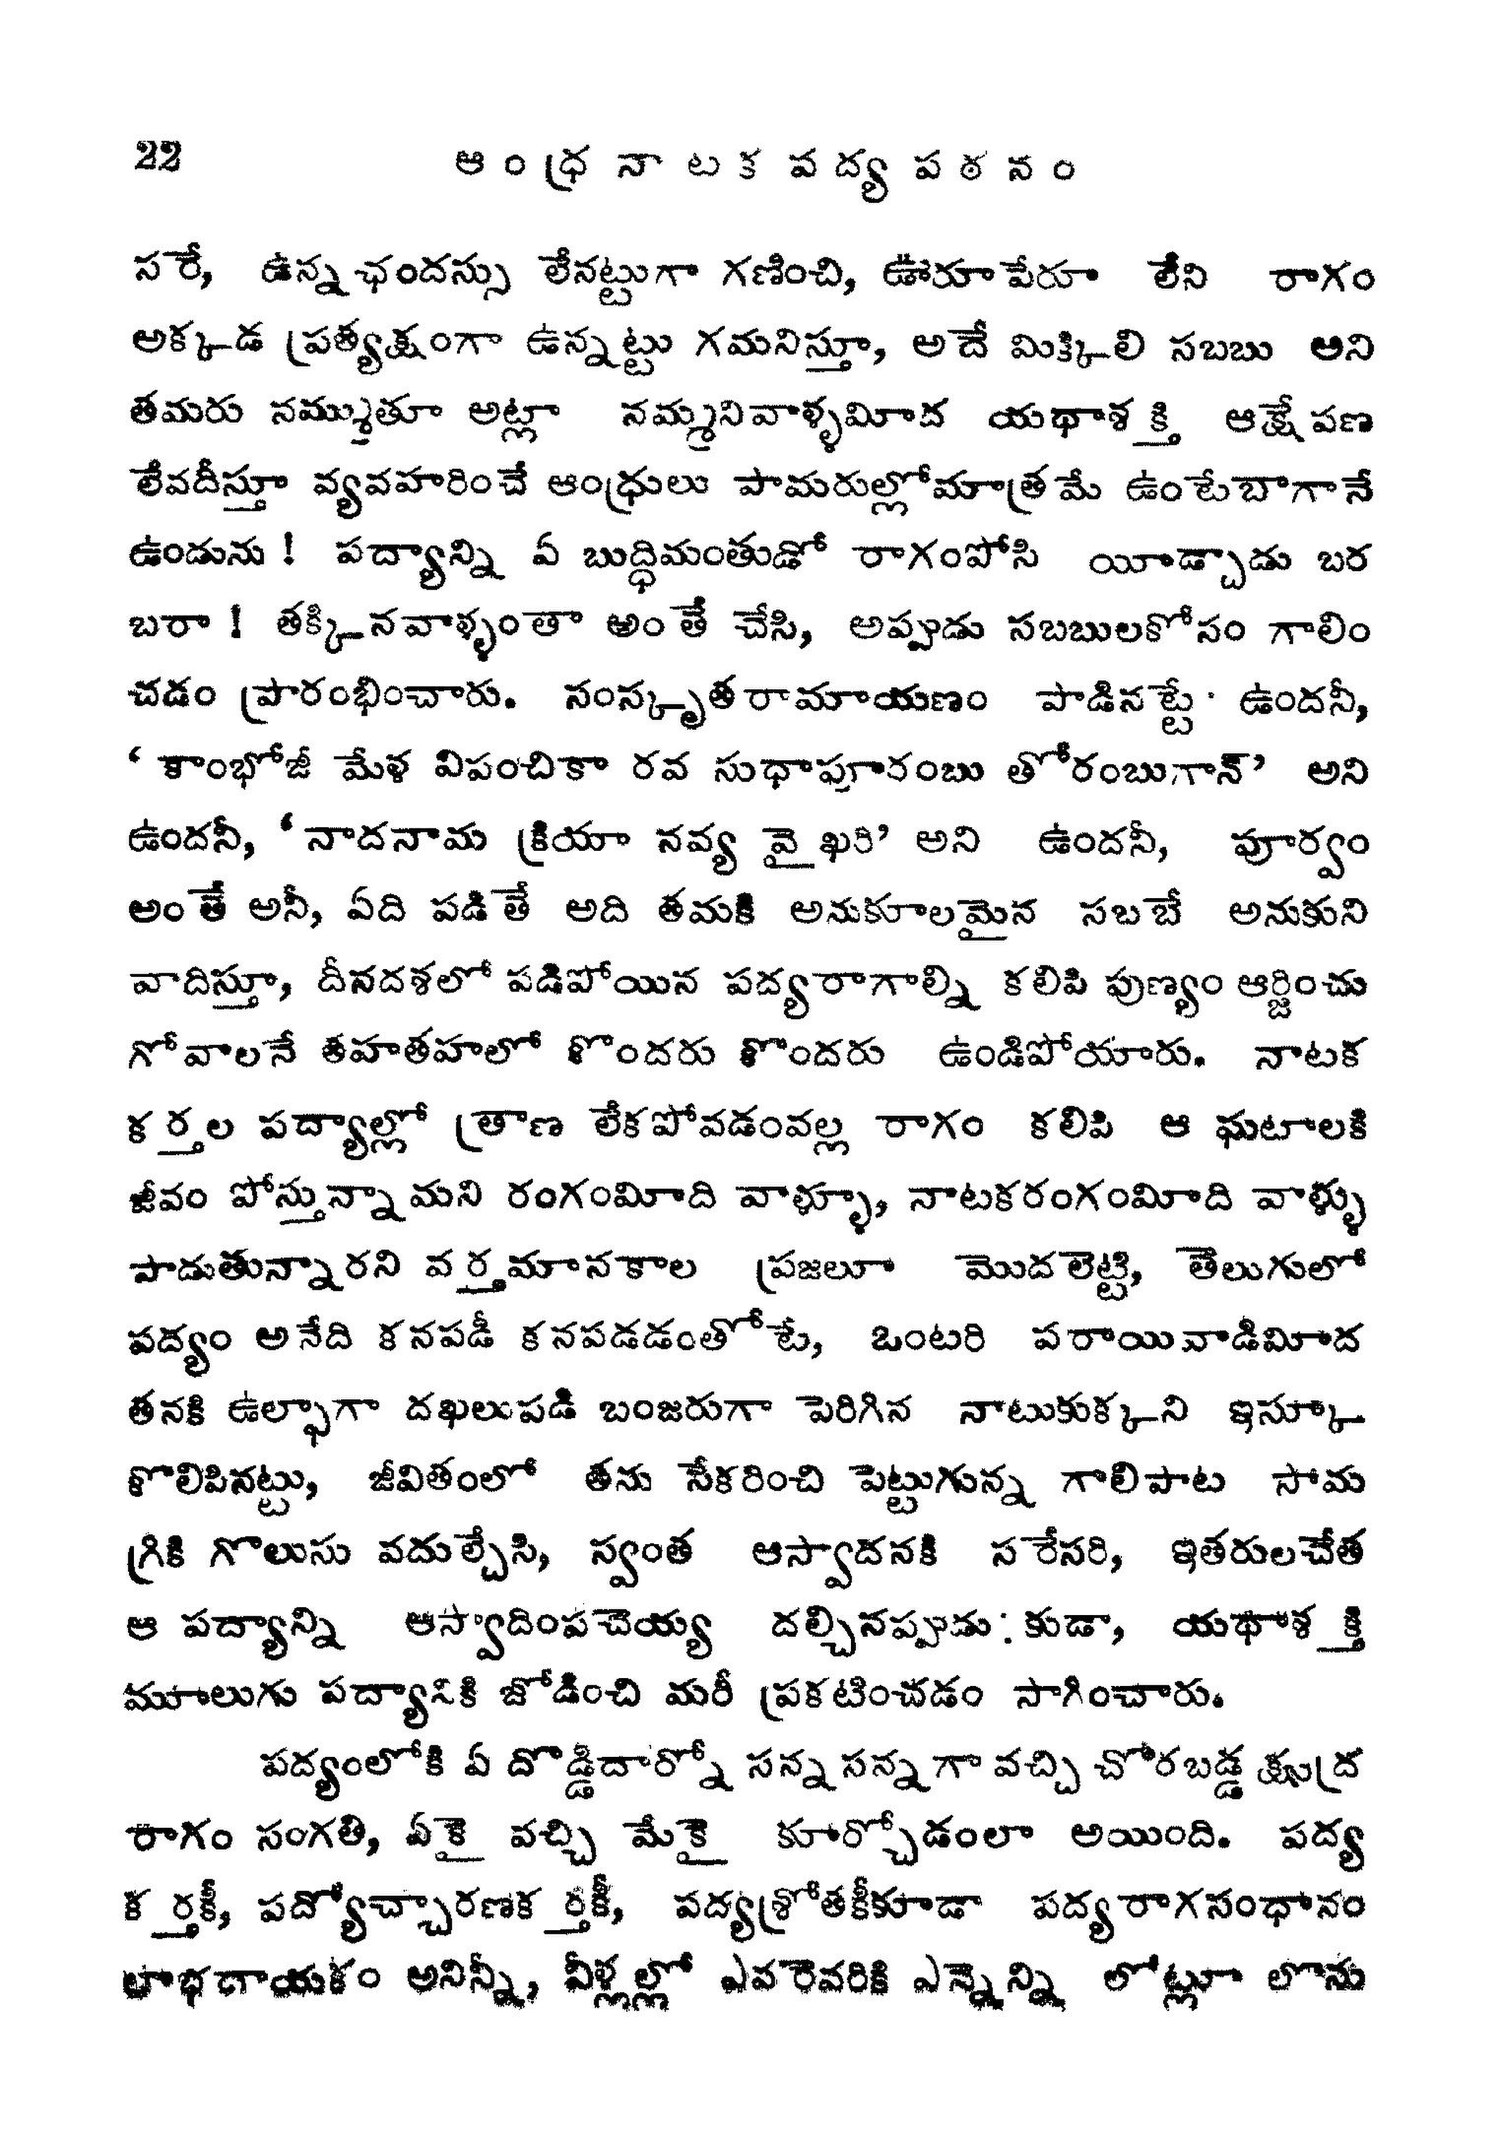సరే, ఉన్న ఛందస్సు లేనట్టుగా గణించి, ఊరూపేరూ లేని రాగం
అక్కడ ప్రత్యక్షంగా ఉన్నట్టు గమనిస్తూ, అదే మిక్కిలి సబబు అని
తమరు నమ్ముతూ అట్లా నమ్మనివాళ్ళమీద యథాశక్తి ఆక్షేపణ
లేవదీస్తూ వ్యవహరించే ఆంధ్రులు పామరుల్లోమాత్రమే ఉంటేబాగానే
ఉండును! పద్యాన్ని ఏ బుద్ధిమంతుడో రాగంపోసి యీడ్చాడు బర
బరా ! తక్కినవాళ్ళంతా అంతే చేసి, అప్పుడు సబబులకోసం గాలిం
చడం ప్రారంభించారు. సంస్కృతరామాయణం పాడినట్టే ఉందనీ,
'కాంభోజీ మేళ విపంచికా రవ సుధాపూరంబు తోరంబుగాన్' అని
ఉందనీ, ‘నాదనామ క్రియా నవ్య వైఖరి' అని ఉందనీ, పూర్వం
అంతే అనీ, ఏది పడితే అది తమకి అనుకూలమైన సబబే అనుకుని
వాదిస్తూ, దీనదశలో పడిపోయిన పద్యరాగాల్ని కలిపి పుణ్యం ఆర్జించు
గోవాలనే తహతహలో కొందరు కొందరు ఉండిపోయారు. నాటక
కర్తల పద్యాల్లో త్రాణ లేకపోవడంవల్ల రాగం కలిపి ఆ ఘటాలకి
జీవం పోస్తున్నామని రంగంమీది వాళ్ళూ, నాటకరంగంమీది వాళ్ళు
పాడుతున్నారని వర్తమానకాల ప్రజలూ మొదలెట్టి, తెలుగులో
పద్యం అనేది కనపడీ కనపడడంతోటే, ఒంటరి పరాయివాడిమీద
తనకి ఉల్ఫాగా దఖలుపడి బంజరుగా పెరిగిన నాటుకుక్కని ఇస్కూ
కొలిపినట్టు, జీవితంలో తను సేకరించి పెట్టుగున్న గాలిపాట సామ
గ్రికి గొలుసు వదుల్చేసి, స్వంత ఆస్వాదనికి సరేసరి, ఇతరులచేత
ఆ పద్యాన్ని ఆస్వాదింపచెయ్య దల్చినప్పుడు కుడా, యథాశక్తి
మూలుగు పద్యానికి జోడించి మరీ ప్రకటించడం సాగించారు.

పద్యంలోకి ఏ దొడ్డిదార్నో సన్నసన్నగా వచ్చి చొరబడ్డ క్షుద్ర
రాగం సంగతి, ఏకై వచ్చి మేకై కూర్చోడంలా అయింది. పద్య
కర్తకీ, పద్యోచ్చారణకర్తకీ, పద్యశ్రోతకీకూడా పద్యరాగసంధానం
లాభదాయకం అనిన్నీ, వీళ్లల్లో ఎవరెవరికి ఎన్నెన్ని లోట్లూ లొసు